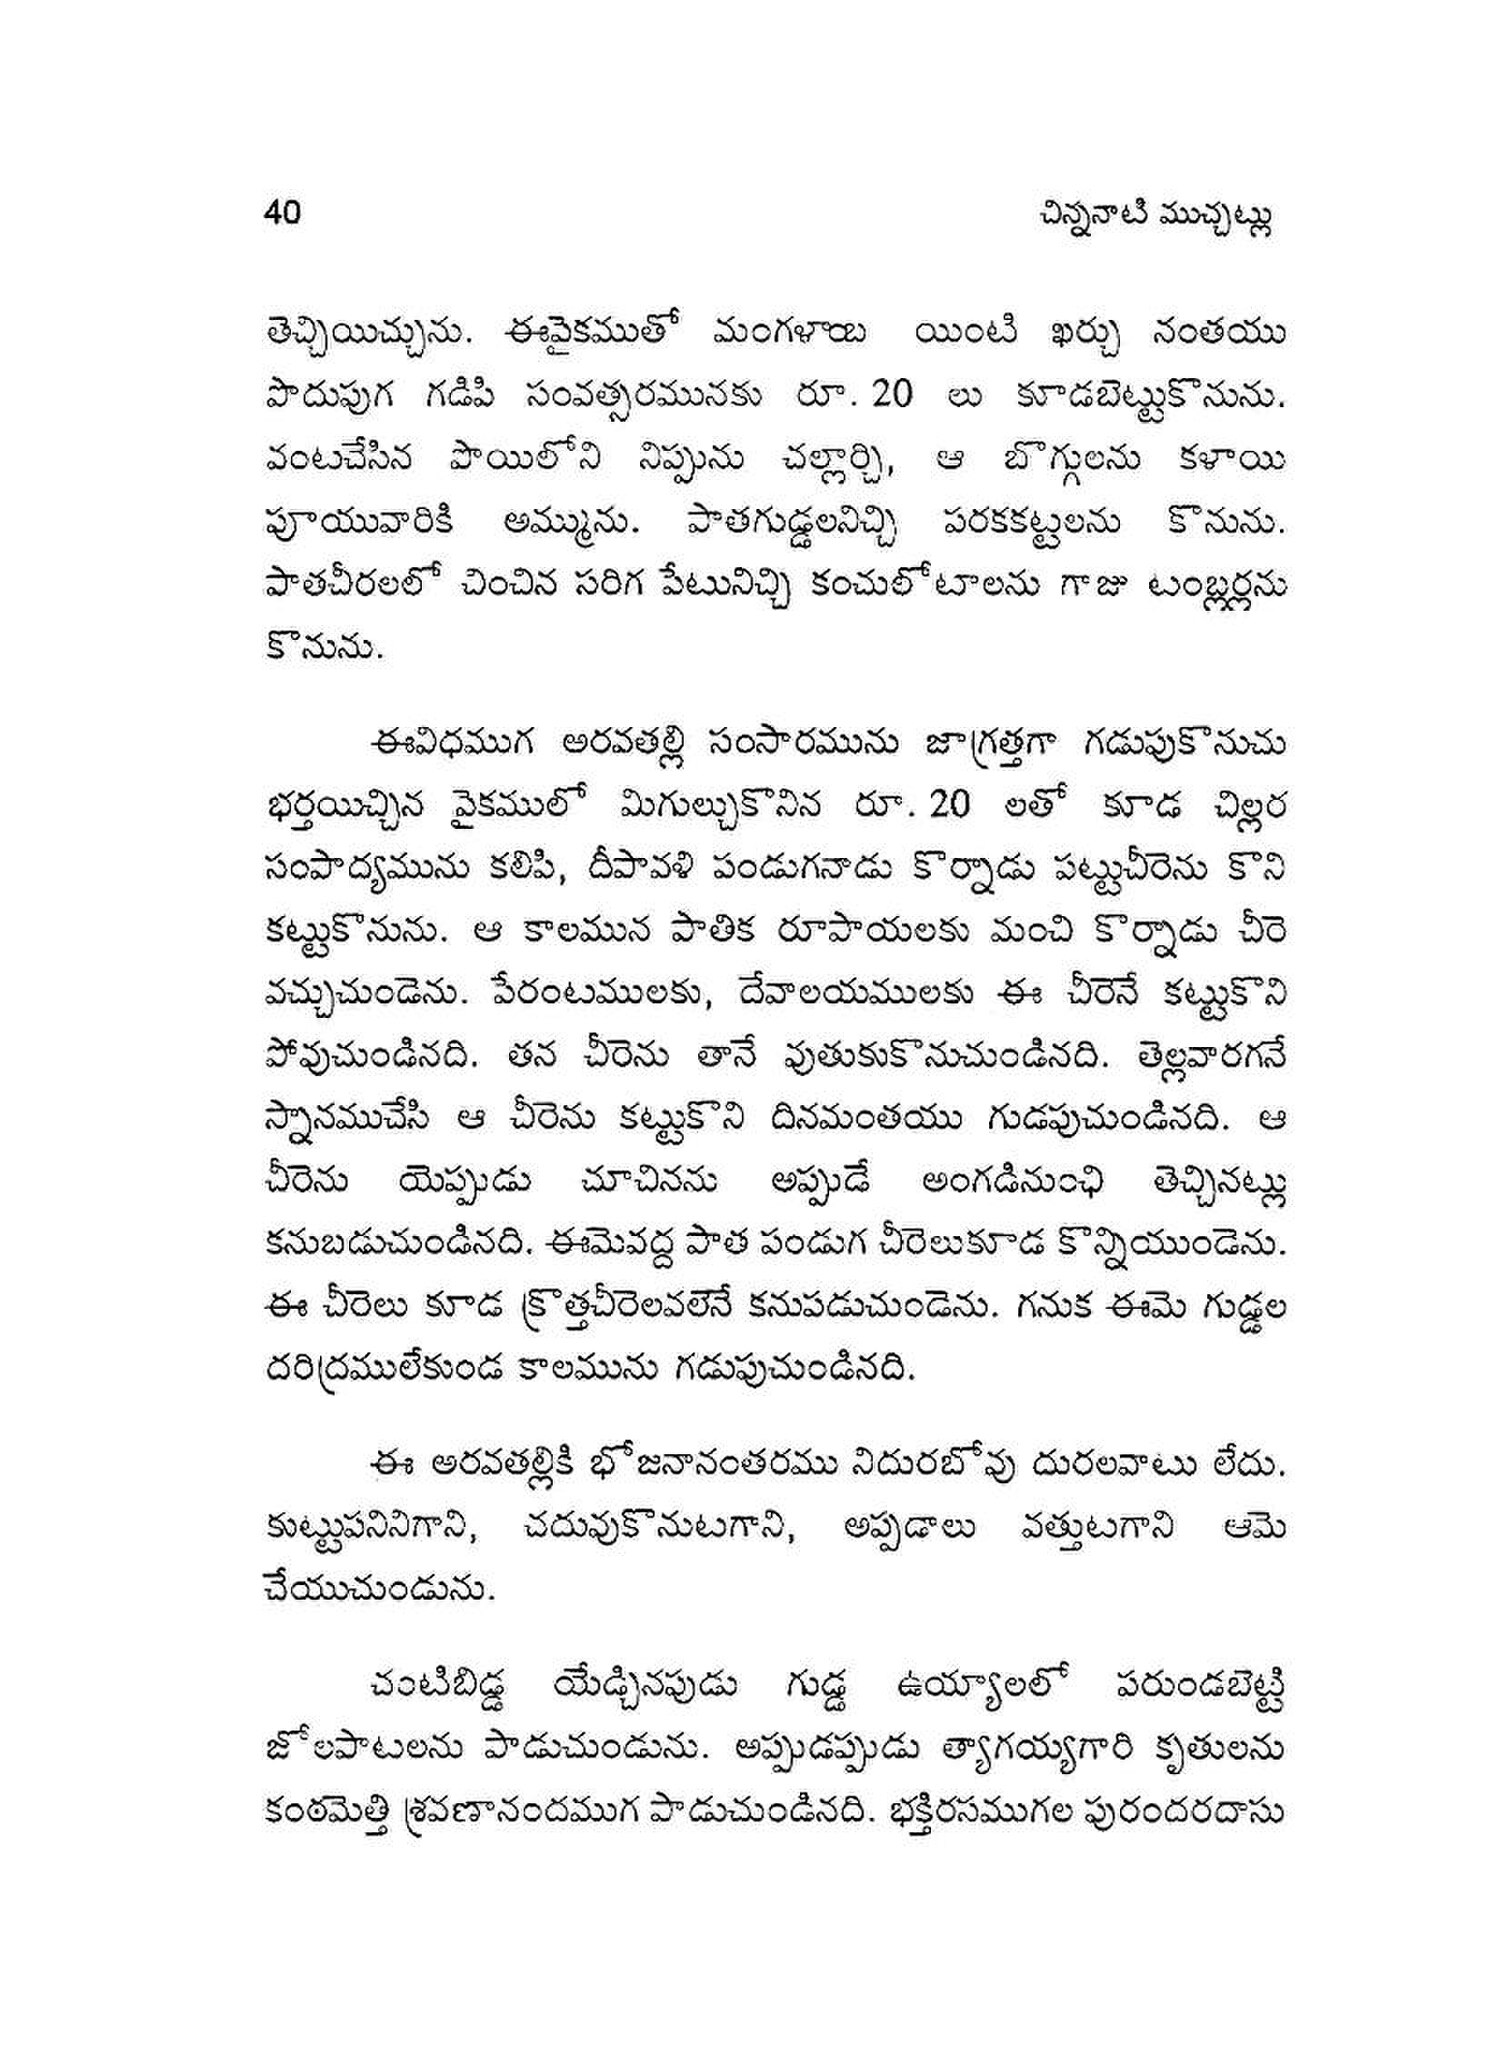తెచ్చియిచ్చును. ఈపైకముతో మంగళాంబ యింటి ఖర్చు నంతయు పొదుపుగ గడిపి సంవత్సరమునకు రూ. 20 లు కూడబెట్టుకొనును. వంటచేసిన పొయిలోని నిప్పును చల్లార్చి, ఆ బొగ్గులను కళాయి పూయువారికి అమ్మును. పాతగుడ్డలనిచ్చి పరకకట్టలను కొనును. పాతచీరలలో చించిన సరిగ పేటునిచ్చి కంచులోటాలను గాజు టంబర్లను కొనును.

ఈవిధముగ అరవతల్లి సంసారమును జాగ్రత్తగా గడుపుకొనుచు భర్తయిచ్చిన పైకములో మిగుల్చుకొనిన రూ. 20 లతో కూడ చిల్లర సంపాద్యమును కలిపి, దీపావళి పండుగనాడు కొర్నాడు పట్టుచీరెను కొని కట్టుకొనును. ఆ కాలమున పాతిక రూపాయలకు మంచి కొర్నాడు చీరె వచ్చుచుండెను. పేరంటములకు, దేవాలయములకు ఈ చీరెనే కట్టుకొని పోవుచుండినది. తన చీరెను తానే వుతుకుకొనుచుండినది. తెల్లవారగనే స్నానముచేసి ఆ చీరెను కట్టుకొని దినమంతయు గుడపుచుండినది. ఆ చీరెను యెప్పడు చూచినను అప్పడే అంగడినుంఛి తెచ్చినట్లు కనుబడుచుండినది. ఈమెవద్ద పాత పండుగ చీరెలుకూడ కొన్నియుండెను. ఈ చీరెలు కూడ క్రొత్తచీరెలవలెనే కనుపడుచుండెను. గనుక ఈమె గుడ్డల దరిద్రములేకుండ కాలమును గడుపుచుండినది.

ఈ అరవతల్లికి భోజనానంతరము నిదురబోవు దురలవాటు లేదు. కుట్టుపనినిగాని, చదువుకొనుటగాని, అప్పడాలు వత్తుటగాని ఆమె చేయుచుండును.

చంటిబిడ్డ యేడ్చినపుడు గుడ్డ ఉయ్యాలలో పరుండబెట్టి జోలపాటలను పాడుచుండును. అప్పడప్పడు త్యాగయ్యగారి కృతులను కంఠమెత్తి శ్రవణానందముగ పాడుచుండినది. భక్తిరసముగల పురందరదాసు